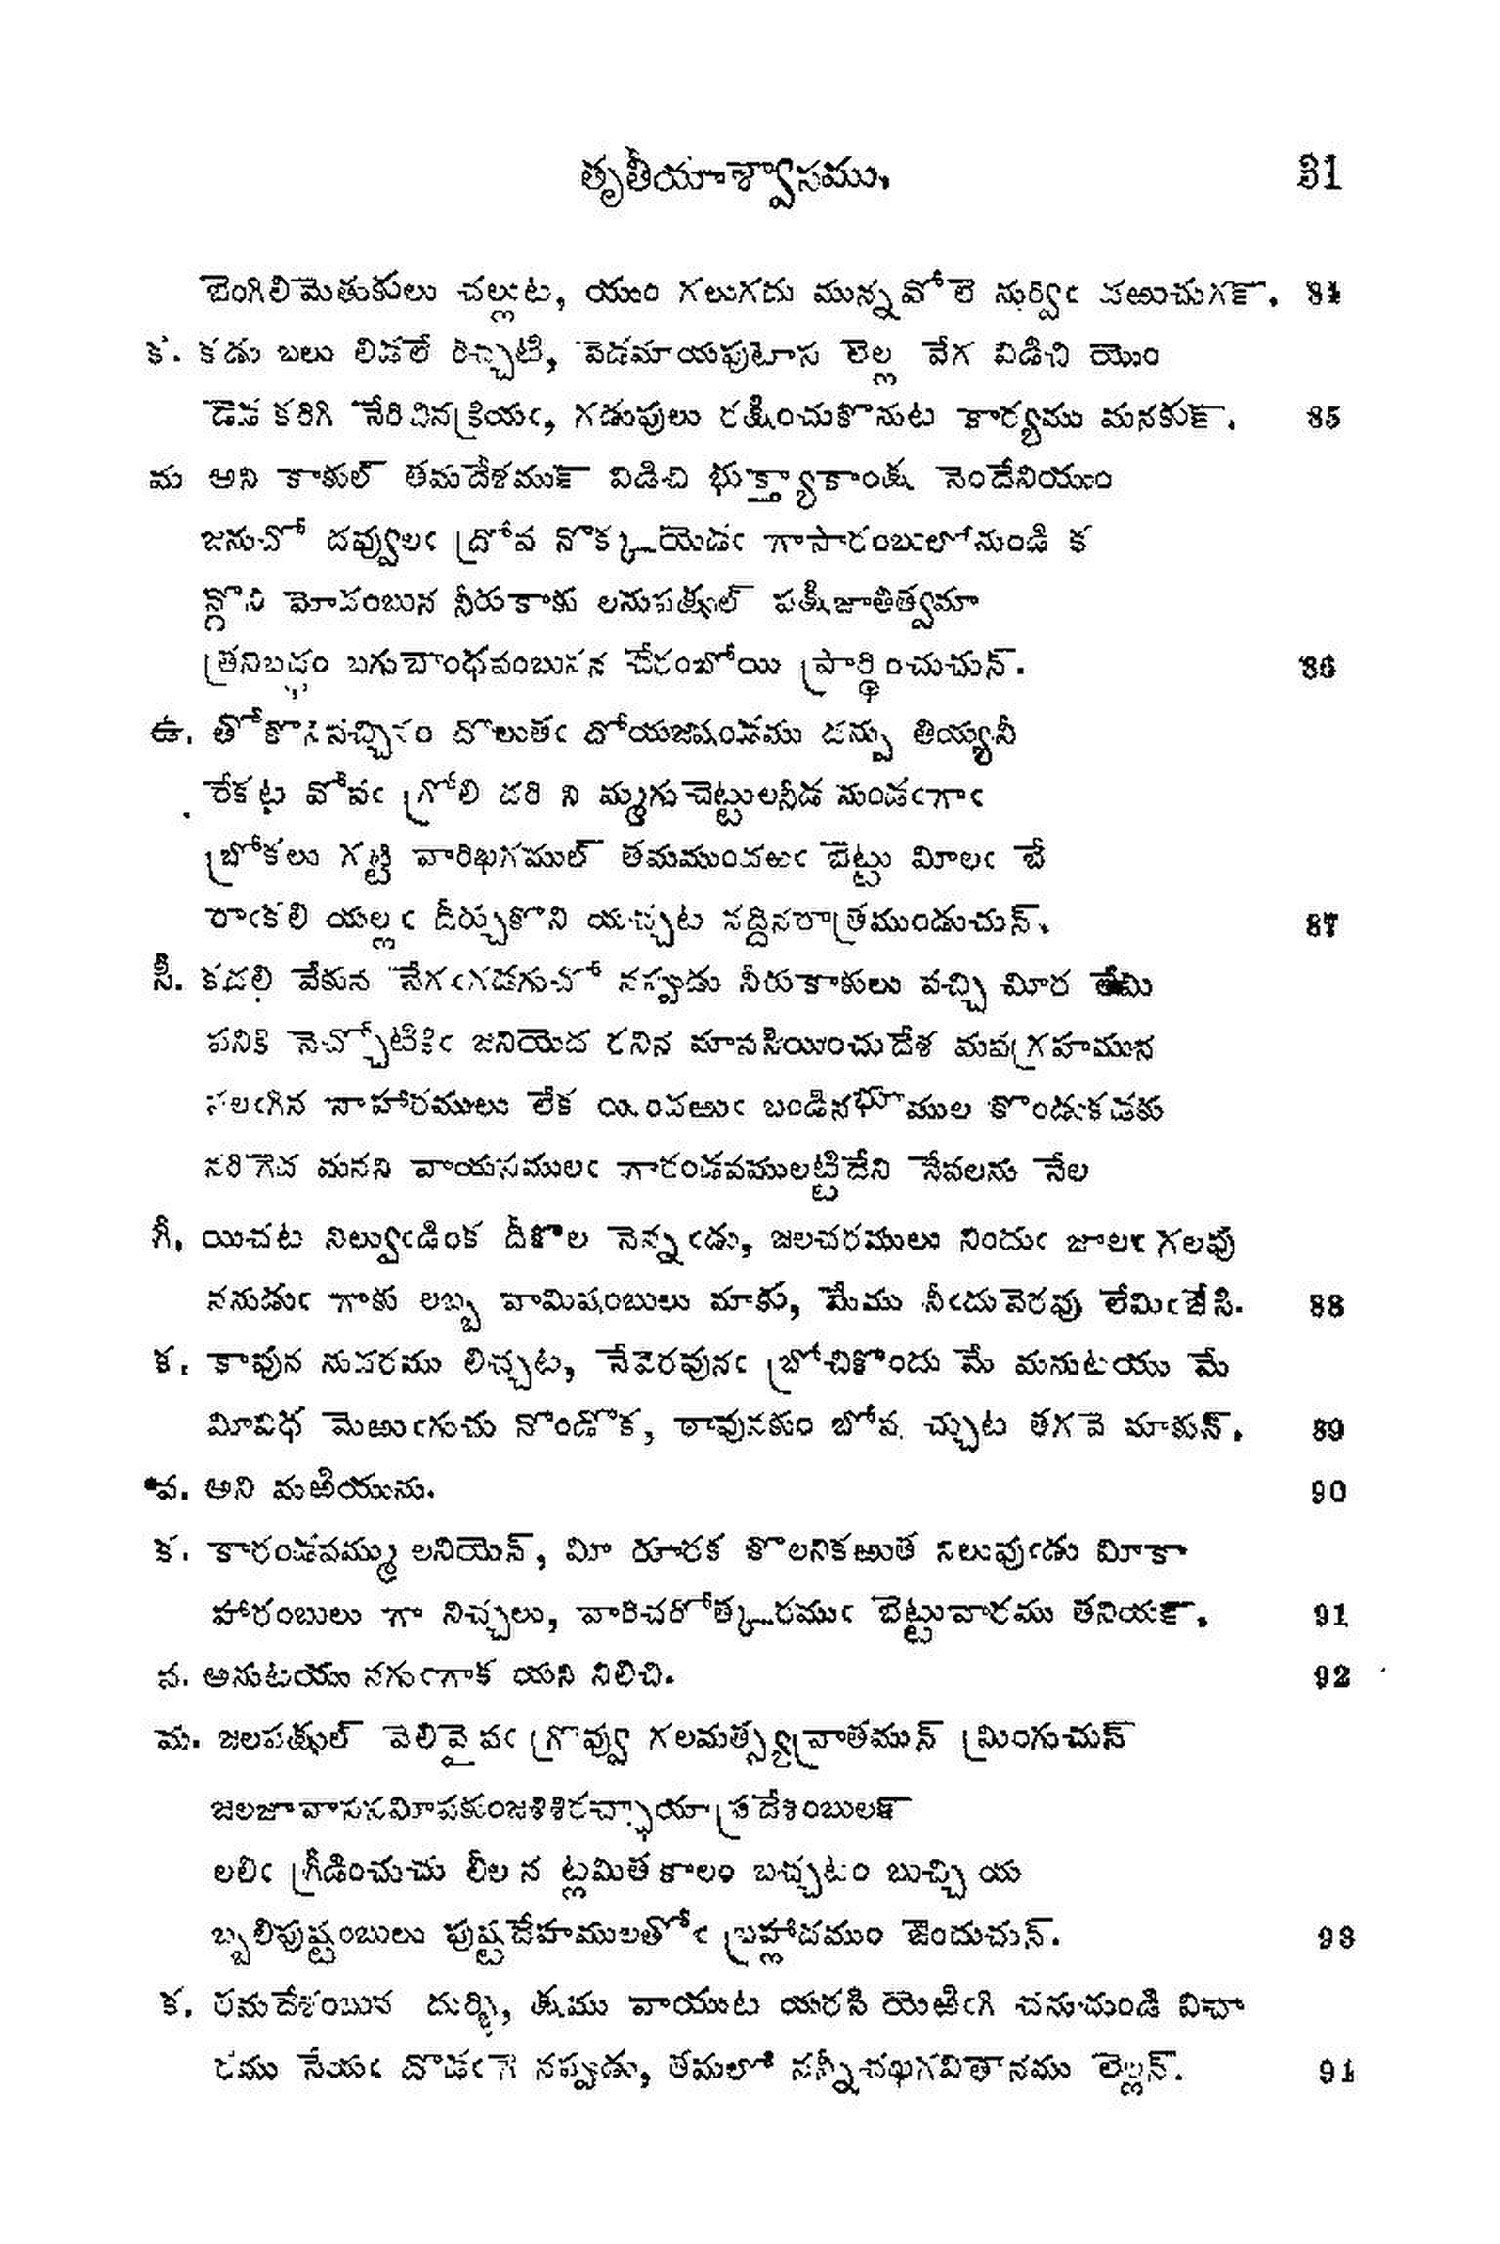బెంగిలిమెతుకులు చల్లుట, యుం గలుగదు మున్నవోలె నుర్విఁ దఱుచుగన్.
క. కడు బలు లిడలే రిచ్చటి, వెడమాయపుటాస లెల్ల వేగ విడిచి యొం
 డెడ కరిగి నేరిచినక్రియఁ, గడుపులు రక్షించుకొనుట కార్యము మనకున్.
మ. అని కాకుల్ తమ దేశమున్ విడిచి భుక్త్యాకాంక్ష నెందేనియుం
 జనుచో దవ్వులఁ ద్రోవ నొక్కయెడఁ గాసారంబులో నుండి క
 న్గొని మోదంబున నీరుకాకు లనుపక్షుల్ పక్షిజాతిత్వమా
 త్రనిబద్ధం బగు బాంధవంబునన చేరంబోయి ప్రార్థించుచున్.
ఉ. తోకొని వచ్చినం దొలుతఁ దోయజషండము దన్పు తియ్యనీ
 రేకట వోవఁ గ్రోలి దరి ని మ్మగుచెట్టులనీడ నుండఁగాఁ
 బ్రోకలు గట్టి వారిఖగముల్ తమముందఱఁ బెట్టు మీలఁ బే
 రాఁకలి యల్లఁ దీర్చుకొని యచ్చట నద్దినరాత్రముండుచున్.
సీ. కదలి వేకున నేగఁగడగుచో నప్పుడు నీరుకాకులు వచ్చి మీర లేమి
 పనికి నెచ్చోటికి జనియెద రనిన మావసియించుదేశ మవగ్రహమున
 పలఁగిన నాహారములు లేక యిందఱుఁ బండినభూముల కొండుకడకు
 నరిగెద మనని వాయసములఁ గారండవము లట్టిదేని నేవలను నేల
గీ. యిచట నిల్వుఁ డింక దీకొల నెన్నఁడు, జలచరములు నిందుఁ జూలఁ గలవు
 ననుడుఁ గాకు లబ్బ వామిషంబులు మాకు, మేము నీఁదువెరవు లేమిఁ జేసి.
క. కావున నుదరము లిచ్చట, నేనెరవునఁ బ్రోచికొందు మే మనుటయు మే
 మీవిధ మెఱుఁగుచు నొండొక, ఠావునకుం బోవచ్చుట తగవే మాకున్.
వ. అని మఱియును.
క. కారండవమ్ము లనియెన్, మీ రూరక కొలనికఱుత నిలువుఁడు మీకా
 హారంబులు గా నిచ్చలు, వారిచరోత్కరముఁ బెట్టువారము తనియన్.
వ. అనుటయు నగుగాక యని నిలిచి.
మ. జలపక్షుల్ వెలివైనఁ గ్రొవ్వు గలమత్స్యవ్రాతమున్ మ్రింగుచున్
 జలజావాససమీపకుంజశిశిరచ్ఛాయాప్రదేశంబులన్
 లలిఁ గ్రీడించుచు లీల న ట్లమితకాలం బచ్చటం బుచ్చి య
 బ్బలిపుష్టంబులు పుష్టదేహములతోఁ బ్రహ్లాదముం జెందుచున్.
క. తమదేశంబున దుర్భి, క్షము వాయుట యరసి యెఱిఁగి చనుచుండి విచా
 రము సేయఁ దొడఁగె నప్పుడు, తమలో నన్నీచఖగవితానము లెల్లన్.